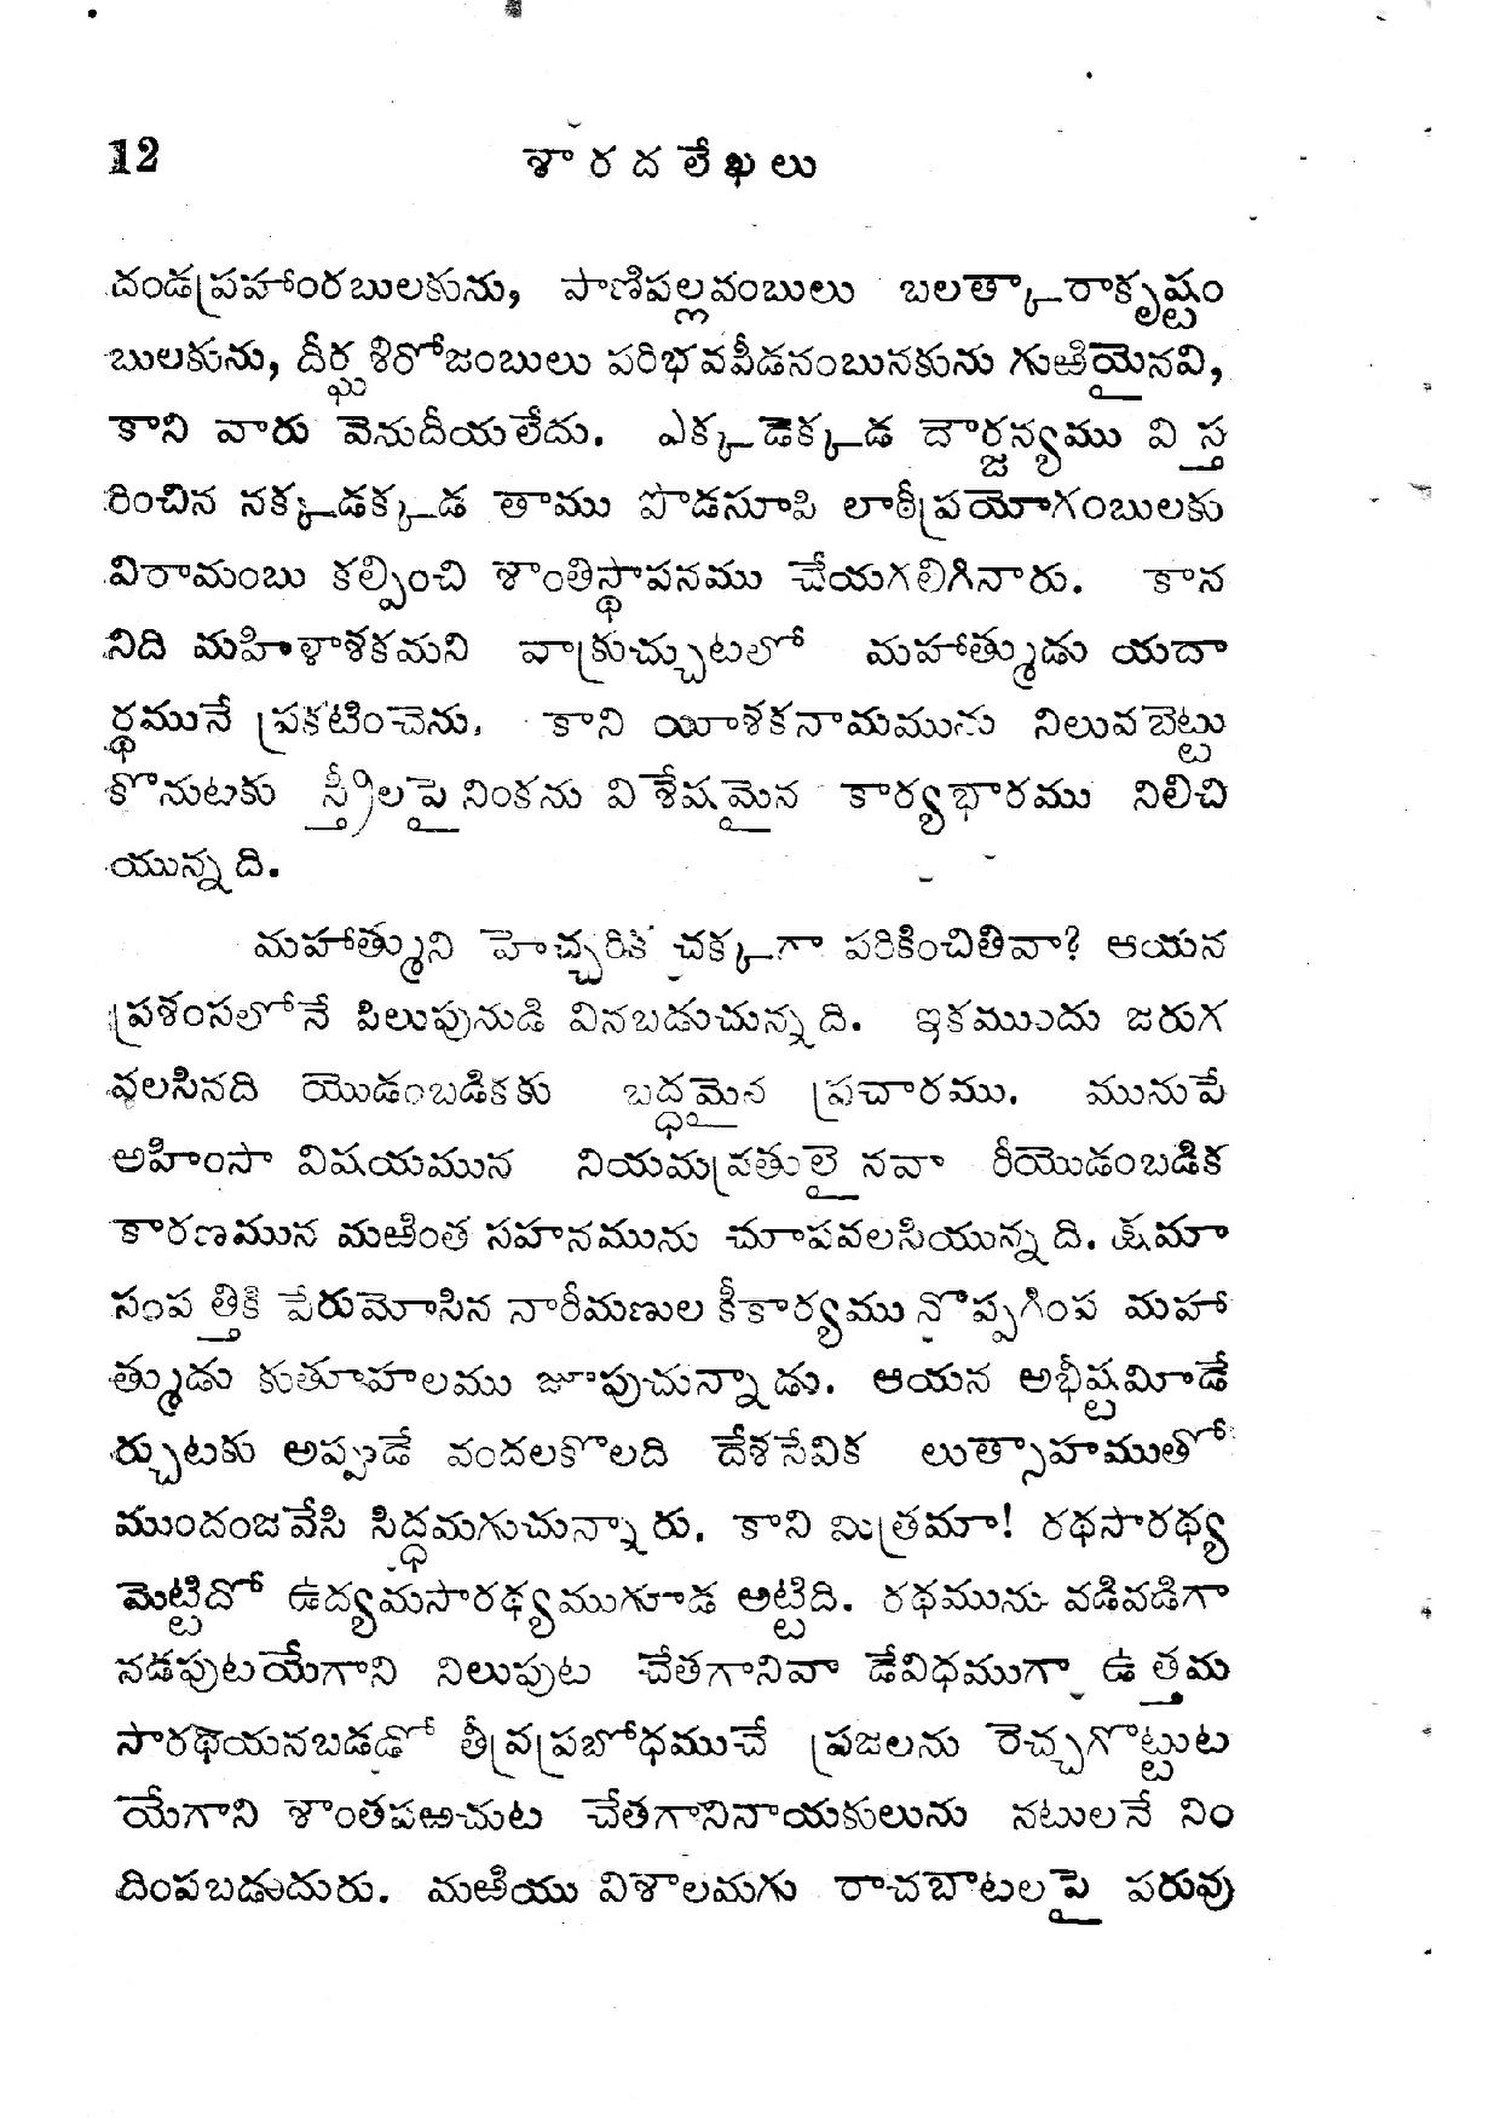దండప్రహాంరబులకును, పాణిపల్లవంబులు బలత్కారాకృష్టం
బులకును, దీర్ఘశిరోజంబులు పరిభవపీడనంబునకును గుఱియైనవి,
కాని వారు వెనుదీయలేదు. ఎక్కడెక్కడ దౌర్జన్యము విస్త
రించిన నక్కడక్కడ తాము పొడసూపి లాఠీప్రయోగంబులకు
విరామంబు కల్పించి శాంతిస్థాపనము చేయగలిగినారు. కాన 
నిది మహిళాశకమని వాక్రుచ్చుటలో మహాత్ముడు యదా
ర్థమునే ప్రకటించెను, కాని యీశకనామమును నిలువబెట్టు
కొనుటకు స్త్రీలపైనింకను విశేషమైన కార్యభారము నిలిచి
యున్నది.

మహాత్ముని హెచ్చరిక చక్కగా పరికించితివా? ఆయన
ప్రశంసలోనే పిలుపునుడి వినబడుచున్నది. ఇకముందు జరుగ
వలసినది యొడంబడికకు బద్ధమైన ప్రచారము. మునుపే
అహింసా విషయమున నియమవ్రతులై నవా రీయొడంబడిక
కారణమున మఱింత సహనమును చూపవలసియున్నది. క్షమా
సంపత్తికి పేరుమోసిన నారీమణుల కీకార్యము నొప్పగింప మహా
త్ముడు కుతూహలము జూపుచున్నాడు. ఆయన అభీష్టమిడే
ర్చుటకు అప్పుడే వందలకొలది దేశసేవిక లుత్సాహముతో
ముందంజవేసి సిద్ధమగుచున్నారు. కాని మిత్రమా! రథసారథ్య
మెట్టిదో ఉద్యమసారథ్యముగూడ అట్టిది. రథమును వడివడిగా
నడపుటయేగాని నిలుపుట చేతగానివా డేవిధముగా ఉత్తమ
సారథియనబడడో తీవ్రప్రబోధముచే ప్రజలను రెచ్చగొట్టుట
యేగాని శాంతపఱచుట చేతగానినాయకులును నటులనే నిం
దింపబడుదురు. మఱియు విశాలమగు రాచబాటలపై పరువు